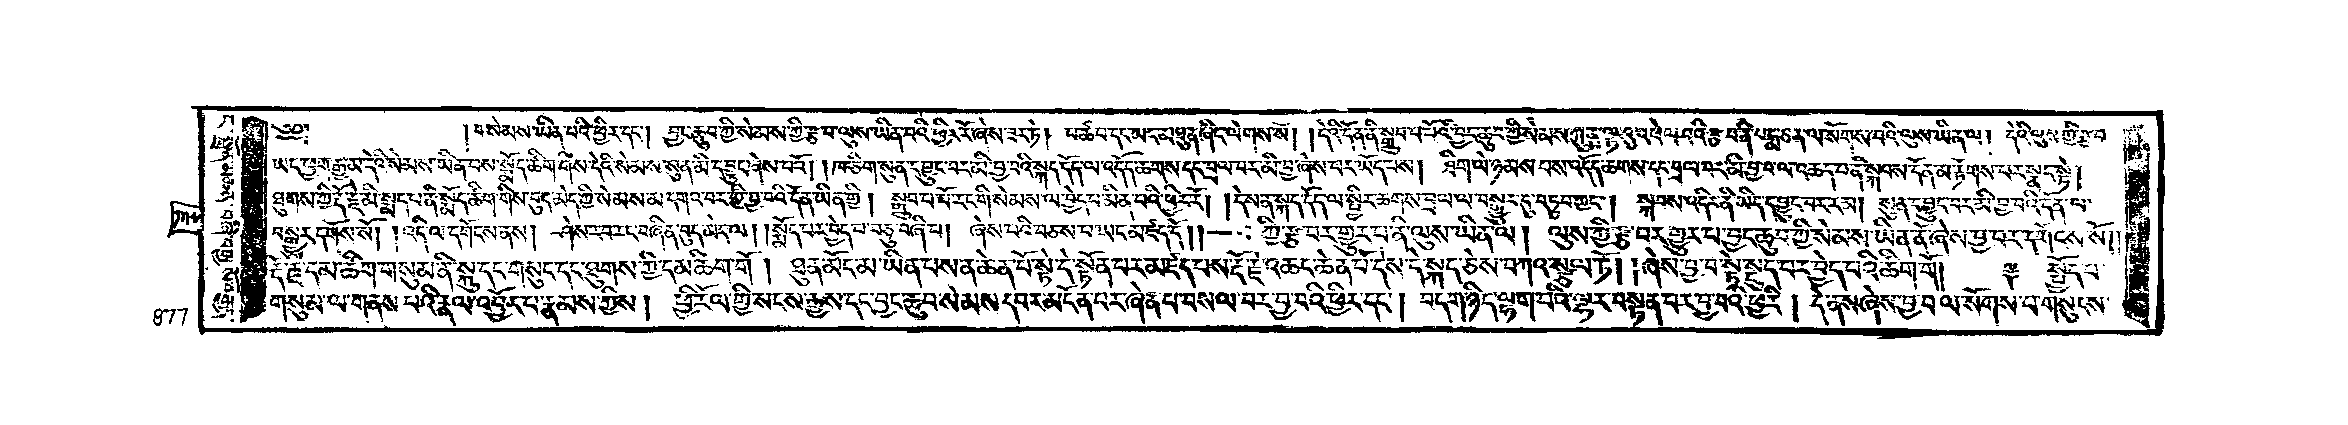༄༅། །བ་སེམས་ཡིན་པའི་ཕྱིར་དང་། བྱང་ཆུབ་ཀྱི་སེམས་ཀྱི་རྩ་བ་ལུས་ཡིན་པའི་ཕྱིར་རོ་ཞེས་ཟེར་ཏེ། པ་ཚབ་བ་དང་ཡང་མཐུན་ཞིང་ལེགས་སོ། །དེའི་དོན་ནི་སྒྲུབ་པ་པོའི་བྱང་ཆུབ་ཀྱི་སེམས་ཀུན་ལྟ་བུ་འཕེལ་བའི་རྩ་བ་ནི་པདམ་ཅན་ལ་སོགས་པའི་ལུས་ཡིན་ལ། དེའི་ལུས་ཀྱི་རྩ་བ་
ཡང་ཕྱག་རྒྱ་མ་དེའི་སེམས་ཡིན་པས་སྨོད་ཚིག་གིས་དེའི་སེམས་སུན་མི་དབྱུང་ཞེས་པའོ། །ཁ་ཅིག་སུན་དབྱུང་བར་མི་བྱ་བའི་སྐད་དོད་ལ་འདོད་ཆགས་དང་བྲལ་བར་མི་བྱ་ཞེས་པར་ཡོད་པས། ཐིག་ལེ་ཉམས་པས་འདོད་ཆགས་དང་བྲལ་བར་མི་བྱ་བ་ལ་འཆད་པ་ནི་སྐབས་དོན་མ་རྟོགས་པར་སྣང་སྟེ།
ཐུགས་ཀྱི་རྡོ་རྗེ་མི་སྨད་པ་ནི་སྨོད་ཚིག་གིས་བུད་མེད་ཀྱི་སེམས་མ་དགའ་བར་མི་བྱ་བའི་དོན་ཡིན་གྱི། སྒྲུབ་པ་པོ་རང་གི་སེམས་ལ་བྱེད་པ་མིན་པའི་ཕྱིར་རོ། །དེས་ན་སྐད་དོད་ལ་སྤྱིར་ཆགས་བྲལ་ལ་བསྒྱུར་དུ་བཏུབ་ཀྱང་། སྐབས་འདིར་ནི་ཡིད་དབྱུང་བར་རམ། སུན་དབྱུང་བར་མི་བྱ་བའི་དོན་ལ་
བསྒྱུར་དགོས་སོ། །འདི་ལ་དགོངས་ནས། ཤེས་རབ་རང་བཞིན་བུད་མེད་ལ། །སྨོད་པར་བྱེད་པ་བཅུ་བཞི་པ། ཞེས་པའི་བཅས་པ་ཡང་མཛད་དོ།། .H ཀྱི་རྩ་བར་གྱུར་པ་ནི་ལུས་ཡིན་ལ། ལུས་ཀྱི་རྩ་བར་གྱུར་པ་བྱང་ཆུབ་ཀྱི་སེམས་ཡིན་ནོ་ཞེས་བྱ་བར་དགོངས་སོ།།
རྡོ་རྗེ་དམ་ཚིག་གསུམ་ནི་སྐུ་དང་གསུང་དང་ཐུགས་ཀྱི་དམ་ཚིག་གོ །ཐུན་མོང་མ་ཡིན་པས་ན་ཆེན་པོ་སྟེ་དེ་སྟོན་པར་མཛད་པས་རྡོ་རྗེ་འཆང་ཆེན་པོ་དེས་དེ་སྐད་ཅེས་བཀའ་སྩལ་ཏོ། །ཞེས་བྱ་བ་སྟེ་སྡུད་པར་བྱེད་པའི་ཚིག་གོ ། ༈ སྤྱོད་པ་
གསུམ་ལ་གནས་པའི་རྣལ་འབྱོར་པ་རྣམས་ཀྱིས། ཕྱི་རོལ་གྱི་སངས་རྒྱས་དང་བྱང་ཆུབ་སེམས་དཔར་མངོན་པར་ཞེན་པ་བསལ་བར་བྱ་བའི་ཕྱིར་དང་། བདག་ཉིད་ལྷག་པའི་ལྷར་བསྟན་པར་བྱ་བའི་ཕྱིར། དེ་ནས་ཞེས་བྱ་བ་ལ་སོགས་པ་གསུངས་